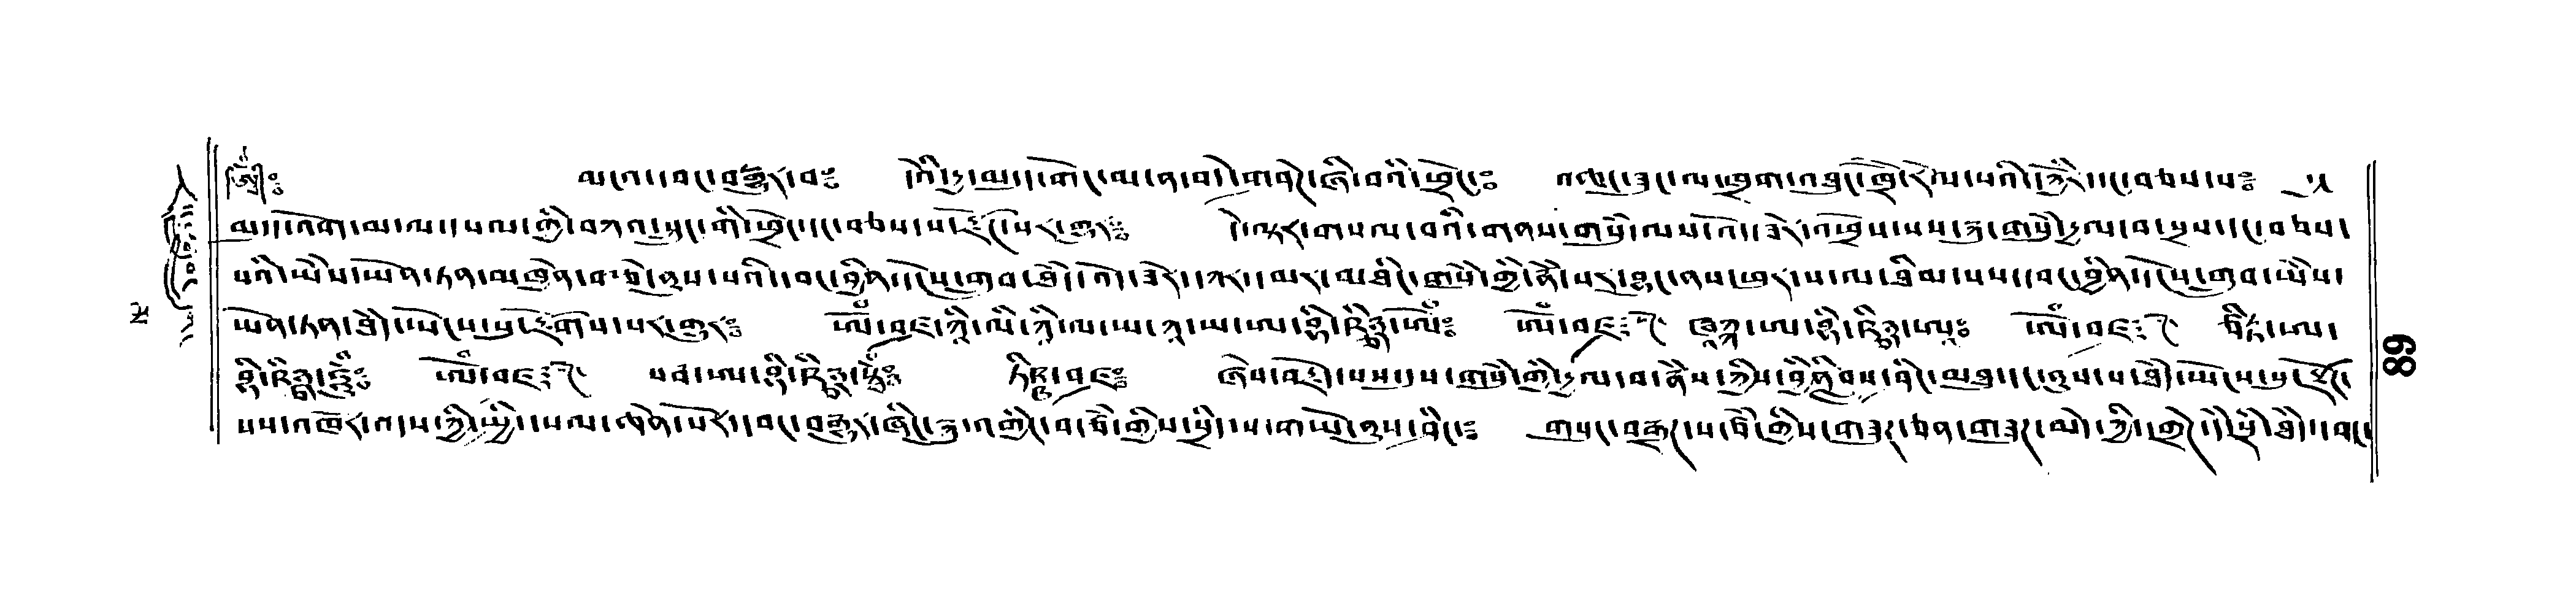མངའ་དབང་བསྒྱུར་བ༔ དེའི་རྒྱ་མདུད་གོང་མ་ན་བདེ་གཤེགས་ཞི་བའི་ཕོ་བྲང༔ འཆང་ཟུང་ལ་ཁྲག་འཐུང་ཁྲོ་བོ་རོལ་པའི་དཀྱིལ་འཁོར་དང་བཅས་པ༔ རྒྱ་
མདུད་འོག་མ་ལ་དཔལ་གྱི་བཀའ་སྲུང་གི་ཕོ་བྲང་དང་བཅས་པ་རྫོགས་པར་གྱུར༔ དེ་ལྟར་གསལ་བའི་གནས་གསུམ་ལས་འོད་ཟེར་འཕྲོས་པས་སྐུ་གསུམ་རྒྱལ་བ་སྲས་དང་བཅས་
པའི་ཡེ་ཤེས་ཡོན་ཏན་མཁྱེན་བརྩེ་ནུས་པའི་དབང་བྱིན་དངོས་གྲུབ་ཐམས་ཅད་འོད་ཟེར་དཀར་དམར་མཐིང་གསུམ་གྱི་རྣམ་པར་བྱུང་ནས་ཕུར་པ་ལ་ཐིམ་པས་དབང་བྱིན་དངོས་གྲུབ་ཡེ་ཤེས་
ཡོན་ཏན་ཐམས་ཅད་ཡོངས་སུ་རྫོགས་པར་གྱུར༔ཨོཾ་བཛྲ་ཀཱི་ལི་ཀཱི་ལ་ཡ་ཀཱ་ཡ་ཨ་བྷི་རིཉྩ་ཨོཾ༔ ཨོཾ་བཛྲ་སོགས༔ ཝཱཀྐ་ཨ་བྷི་རིཉྩ་ཨཱཿ ཨོཾ་བཛྲ་སོགས༔ ཙིཏྟ་ཨ་
བྷི་རིཉྩ་ཧཱུྃ༔ ཨོཾ་བཛྲ་སོགས༔ སརྦ་ཨ་བྷིརིཉྩ་སྟྭཾ༔ ཏིཥྛ་བཛྲ༔ ཞེས་བརྗོད་པས་དུས་གསུམ་གྱི་རྒྱལ་བ་རྣམས་ཀྱིས་བྱིན་གྱིས་རླབས་ཤིང་མཐུ་དང་ནུས་པ་ཐམས་ཅད་ཡོངས་སུ་རྫོགས་
པས་འཁོར་འདས་ཀྱི་སྤྱི་དཔལ་ཆེན་པོར་དབང་བསྒྱུར་ཞིང་སྐུ་འགྱིང་བ་ཙམ་གྱིས་སྲིད་པ་གཡོ་ནུས་ཤིང༔ གསུང་བསྒྲགས་པ་ཙམ་གྱིས་གཟུགས་ཅན་གཟུགས་མེད་ཀྱི་དགྲ་བགེགས་དམ་སྲི་ཐམས་ཅད་དབང་